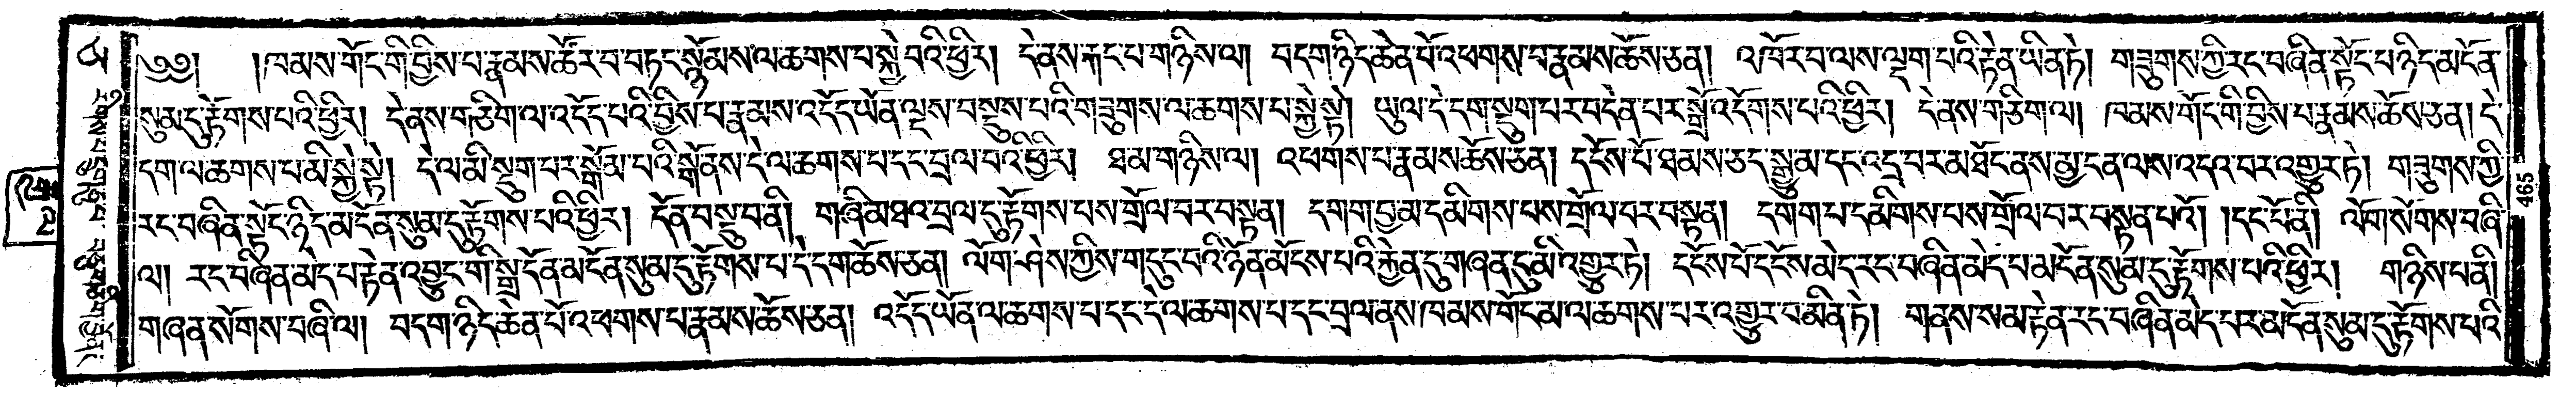༄༅། །ཁམས་གོང་གི་བྱིས་པ་རྣམས་ཚོར་བ་བཏང་སྙོམས་ལ་ཆགས་པ་སྐྱེ་བའི་ཕྱིར། དེ་ནས་རྐང་པ་གཉིས་ལ། བདག་ཉིད་ཆེན་པོ་འཕགས་པ་རྣམས་ཆོས་ཅན། འཁོར་བ་ལས་ལྡག་པའི་རྟེན་ཡིན་ཏེ། གཟུགས་ཀྱི་རང་བཞིན་སྟོང་པ་ཉིད་མངོན་
སུམ་དུ་རྟོགས་པའི་ཕྱིར། དེ་ནས་གཅིག་ལ་འདོད་པའི་བྱིས་པ་རྣམས་འདོད་ཡོན་ལྔས་བསྡུས་པའི་གཟུགས་ལ་ཆགས་པ་སྐྱེ་སྟེ། ཡུལ་དེ་དག་སྡུག་པར་བདེན་པར་སྒྲོ་འདོགས་པའི་ཕྱིར། དེ་ནས་གཅིག་ལ། ཁམས་གོང་གི་བྱིས་པ་རྣམས་ཆོས་ཅན། དེ་
དག་ལ་ཆགས་པ་མི་སྐྱེ་སྟེ། དེ་ལ་མི་སྡུག་པར་སྒོམ་པའི་སྒོ་ནས་དེ་ལ་ཆགས་པ་དང་བྲལ་བའི་ཕྱིར། ཐ་མ་གཉིས་ལ། འཕགས་པ་རྣམས་ཆོས་ཅན། དངོས་པོ་ཐམས་ཅད་སྒྱུ་མ་དང་འདྲ་བར་མཐོང་ནས་མྱ་ངན་ལས་འདའ་བར་འགྱུར་ཏེ། གཟུགས་ཀྱི་
རང་བཞིན་སྟོང་ཉིད་མངོན་སུམ་དུ་རྟོགས་པའི་ཕྱིར། དོན་བསྡུ་བ་ནི། གཞི་མཐའ་བྲལ་དུ་རྟོགས་པས་གྲོལ་བར་བསྟན། དགག་བྱ་མ་དམིགས་པས་གྲོལ་བར་བསྟན། དགག་པ་དམིགས་པས་གྲོལ་བར་བསྟན་པའོ། །དང་པོ་ནི། ལོག་སོགས་བཞི་
ལ། རང་བཞིན་མེད་པ་རྟེན་འབྱུང་གི་སྒྲ་དོན་མངོན་སུམ་དུ་རྟོགས་པ་དེ་དག་ཆོས་ཅན། ལོག་ཤེས་ཀྱིས་གདུང་བའི་ཉོན་མོངས་པའི་རྐྱེན་དུ་གཞན་དུ་མི་འགྱུར་ཏེ། དངོས་པོ་དངོས་མེད་རང་བཞིན་མེད་པ་མངོན་སུམ་དུ་རྟོགས་པའི་ཕྱིར། གཉིས་པ་ནི།
གཞན་སོགས་བཞི་ལ། བདག་ཉིད་ཆེན་པོ་འཕགས་པ་རྣམས་ཆོས་ཅན། འདོད་ཡོན་ལ་ཆགས་པ་དང་དེ་ལ་ཆགས་པ་དང་བྲལ་ནས་ཁམས་གོང་མ་ལ་ཆགས་པར་འགྱུར་བ་མིན་ཏེ། གནས་སམ་རྟེན་རང་བཞིན་མེད་པར་མངོན་སུམ་དུ་རྟོགས་པའི་